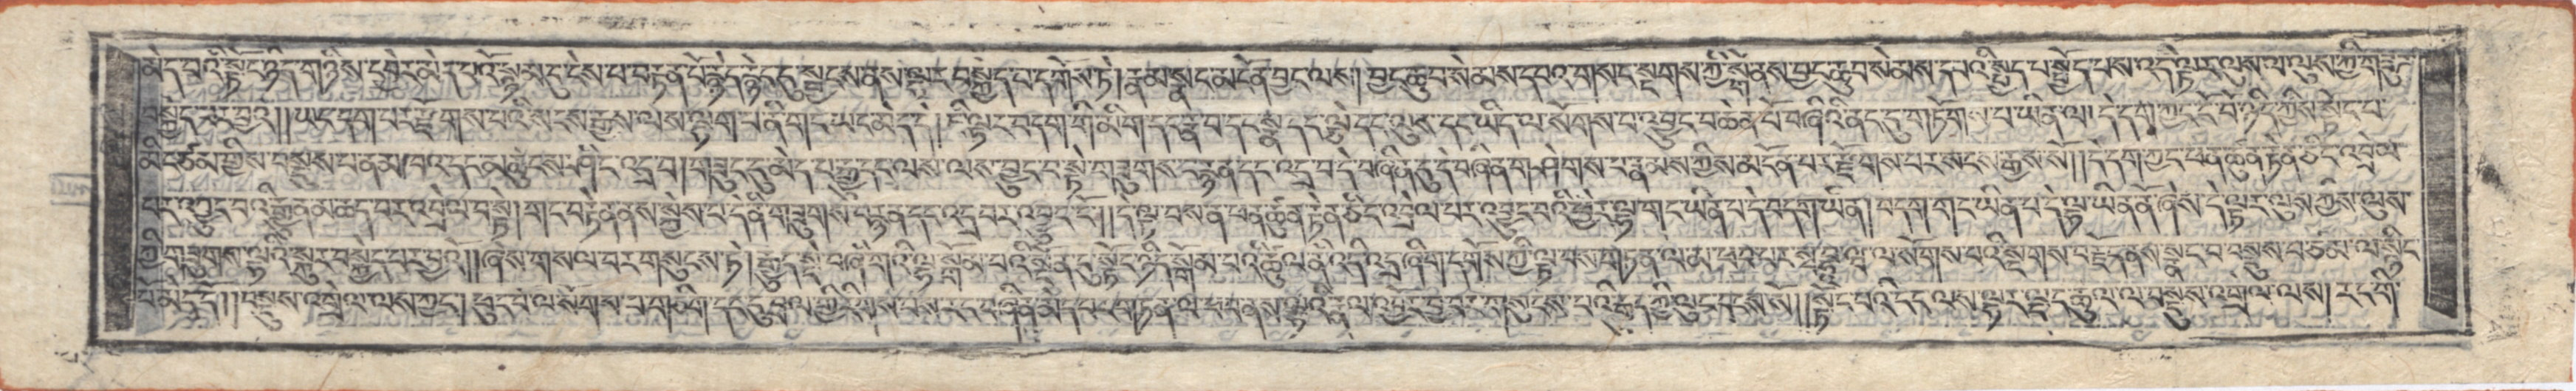མེད་པའི་སྟོང་ཉིད་གཉིས་དབྱེར་མེད་པའོ་སྙམ་དུ་ངེས་པ་བརྟན་པོ་རྙེད་རྙེད་དུ་སྦྱངས་ནས་ལྷར་བསྐྱེད་པ་དགོས་ཏེ། རྣམ་སྣང་མངོན་བྱང་ལས། བྱང་ཆུབ་སེམས་དཔའ་གསང་སྔགས་ཀྱི་སྒོ་ནས་བྱང་ཆུབ་སེམས་དཔའི་སྤྱད་པ་སྤྱོད་པས་འདི་ལྟར་ལུས་ལ་ལུས་ཀྱི་གཟུགས་
བསྐྱེད་པར་བྱའོ། །ཡང་དག་པར་རྫོགས་པའི་སངས་རྒྱས་ལས་ལྷག་པ་ནི་གང་ཡང་མེད་དེ། ཇི་ལྟར་བདག་གི་མིག་དང་རྣ་བ་དང་སྣ་དང་ལྕེ་དང་ལུས་དང་ཡིད་ལ་སོགས་པ་འབྱུང་བ་ཆེན་པོ་བཞིའི་ནང་དུ་གཏོགས་པ་ཡིན་ལ། དེ་དག་ཀྱང་ངོ་བོ་ཉིད་ཀྱིས་སྟོང་པ་
མིང་ཙམ་གྱིས་བསྡུས་པ་ནམ་མཁའི་དང་མཚུངས་ཤིང་འདྲ་བ། །གཟུང་དུ་མེད་པ་རྒྱུ་དང་ལས་ལས་བྱུང་བ་སྟེ་གཟུགས་བརྙན་པ་དང་འདྲ་བ་དེ་བཞིན་དུ་གཤེགས་པ་རྣམས་ཀྱིས་མངོན་པར་རྫོགས་པར་སངས་རྒྱས་སོ། །དེ་དག་ཀྱང་ཕན་ཚུན་རྟེན་ཅིང་འབྲེལ་
པར་འབྱུང་བའི་རྒྱུན་མ་ཆད་པར་འབྲེལ་བ་སྟེ། གང་བརྟེན་ནས་སྐྱེས་པ་དེ་ནི་གཟུགས་བརྙན་དང་འདྲ་བར་འབྱུང་ངོ། །དེ་ལྟ་བས་ན་ཕན་ཚུན་རྟེན་ཅིང་འབྲེལ་པར་འབྱུང་བའི་ཕྱིར་ལྷ་གང་ཡིན་པ་དེ་བདག་ཡིན། བདག་གང་ཡིན་པ་དེ་ལྷ་ཡིན་ནོ་ཞེས་དེ་ལྟར་ལུས་ཀྱིས་ལུས་
ཀྱི་གཟུགས་ལྷའི་སྐུར་བསྐྱེད་པར་བྱའོ། །ཞེས་གསལ་བར་གསུངས་ཏེ། རྒྱུད་སྡེ་བཞི་གའི་ལྷ་སྒོམ་པའི་སྔོན་དུ་སྟོང་ཉིད་སྒོམ་པའི་ཚུལ་ནི་འདི་འདྲ་ཞིག་དགོས་ཀྱི་ལྟ་བས་གཏན་ལ་མ་ཕབ་པར་སྭ་བྷཱ་ཝ་ལ་སོགས་པའི་སྔགས་བརྗོད་ནས་སྣང་བ་བསྡུས་པ་ཙམ་ལ་སྙིང་
པོ་མེད་དོ། །བསྡུས་འགྲེལ་ལས་ཀྱང་། ཕུང་པོ་ལ་སོགས་པ་གཅིག་དང་དུ་བྲལ་གྱི་རིགས་པས་རང་བཞིན་མེད་པར་གཏན་ལ་ཕབ་ནས་ལྷའི་རྣལ་འབྱོར་བྱ་བར་གསུངས་པའི་རྒྱུད་ཀྱི་ལུང་དྲངས་སོ། །སྟོང་པའི་ངང་ལས་ལྷར་ལྡང་ཚུལ་ལ་བསྡུས་འགྲེལ་ལས། རང་གི་